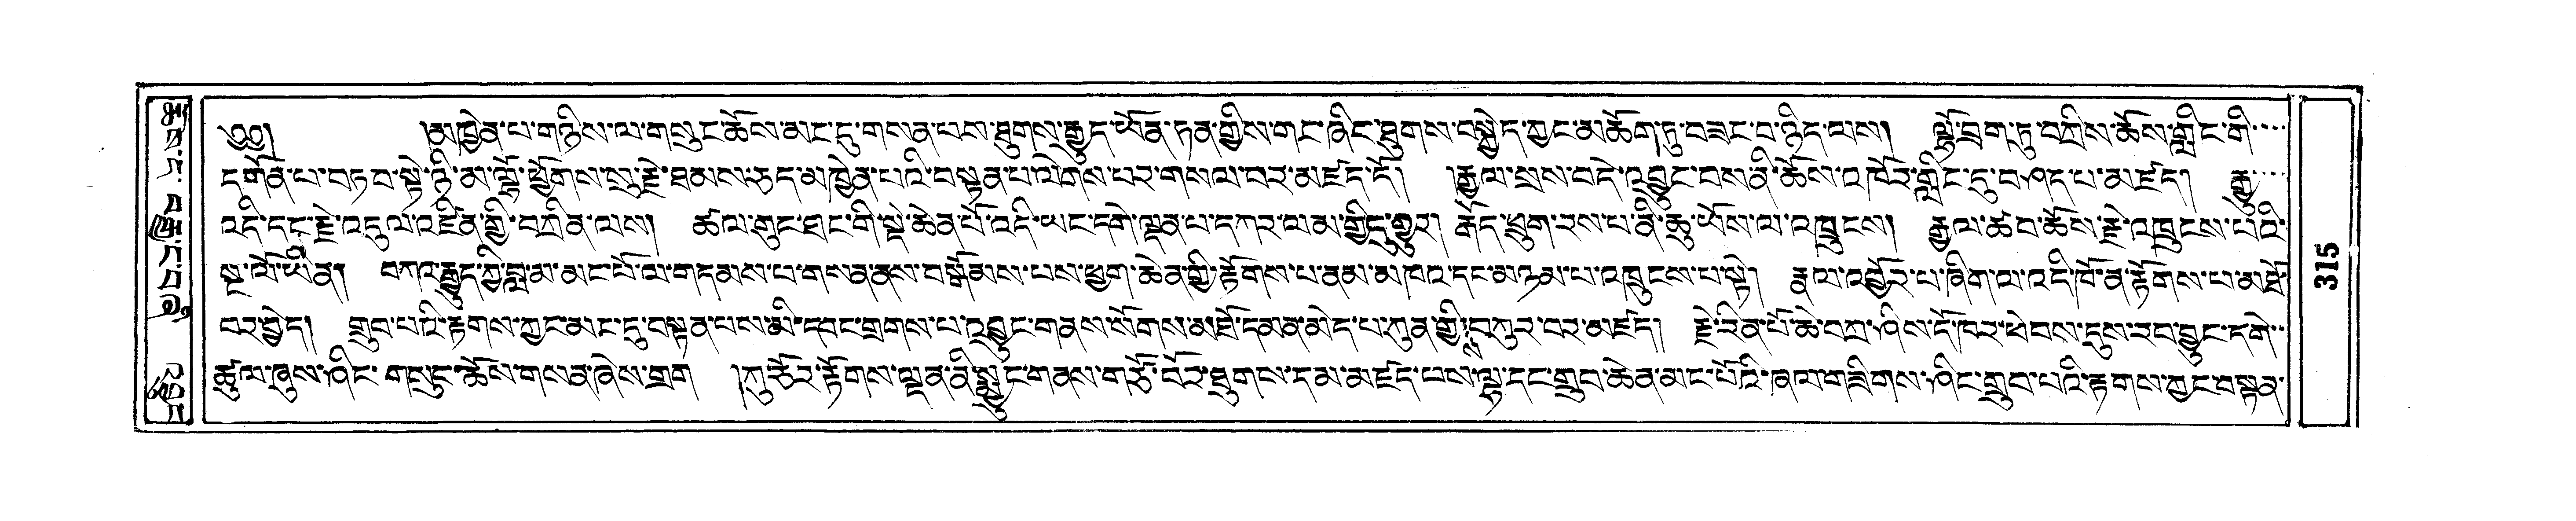༄༅། །མཁྱེན་པ་གཉིས་ལ་གསུང་ཆོས་མང་དུ་གསན་པས་ཐུགས་རྒྱུད་ཡོན་ཏན་གྱིས་གང་ཞིང་ཐུགས་བསྐྱེད་ཀྱང་མཆོག་ཏུ་བཟང་བ་ཉིད་ལས། ལྷོ་བྲག་ཏུ་བཀྲིས་ཆོས་གླིང་གི་
དགོན་པ་བཏབ་སྟེ་ཉི་མ་ལྷོ་ཕྱོགས་སུ་རྗེ་ཐམས་ཅད་མཁྱེན་པའི་བསྟན་པ་ལེགས་པར་གསལ་བར་མཛད་དོ། །རྒྱལ་སྲས་བདེ་འབྱུང་བས་ནི་ཆོས་འཁོར་གླིང་དུ་བཤད་པ་མཛད། རྒྱུ་
འདི་དང་རྗེ་འདུལ་འཛིན་གྱི་བཀྲིན་ལས། ཚལ་གུང་ཐང་གི་སྡེ་ཆེན་པོ་འདི་ཡང་དགེ་ལྡན་པ་དཀར་ལམ་གྱི་དུ་གྱུར། རྒོད་ཕྲུག་རས་པ་ནི་ཆུ་ཡོས་ལ་འཁྲུངས། རྒྱལ་ཚབ་ཆོས་རྗེ་འཁྲུངས་པའི་
སྔ་ལོ་ཡིན། བཀའ་རྒྱུད་ཀྱི་བླ་མ་མང་པོ་ལ་གདམས་པ་གསན་ནས་བསྒོམས་པས་ཕྱག་ཆེན་གྱི་རྟོགས་པ་ནམ་མཁའ་དང་མཉམ་པ་འཁྲུངས་པ་སྟེ། རྣལ་འབྱོར་པ་ཞིག་ལ་འདི་ཁོ་ན་རྟོགས་པ་མཐོ་
བར་བྱེད། གྲུབ་པའི་རྟགས་ཀྱང་མང་དུ་བསྟན་པས་མི་དབང་གྲགས་པ་འབྱུང་གནས་སོགས་མཐོ་དམན་མེད་པ་ཀུན་གྱིས་བཀུར་བར་མཛད། རྗེ་རིན་པོ་ཆེ་བཀྲ་ཤིས་དོ་ཁར་ཕེབས་དུས་རབ་བྱུང་དགེ་
ཚུལ་ཞུས་ཤིང་གསུང་ཆོས་གསན་ཞེས་གྲག །ཀུ་ཅོར་རྟོགས་ལྡན་ནི་སྨྱུང་གནས་གཙོ་བོར་ཐུགས་དམ་མཛད་པས་ལྷ་དང་གྲུབ་ཆེན་མང་པོའི་ཞལ་གཟིགས་ཤིང་གྲུབ་པའི་རྟགས་ཀྱང་བསྟན་